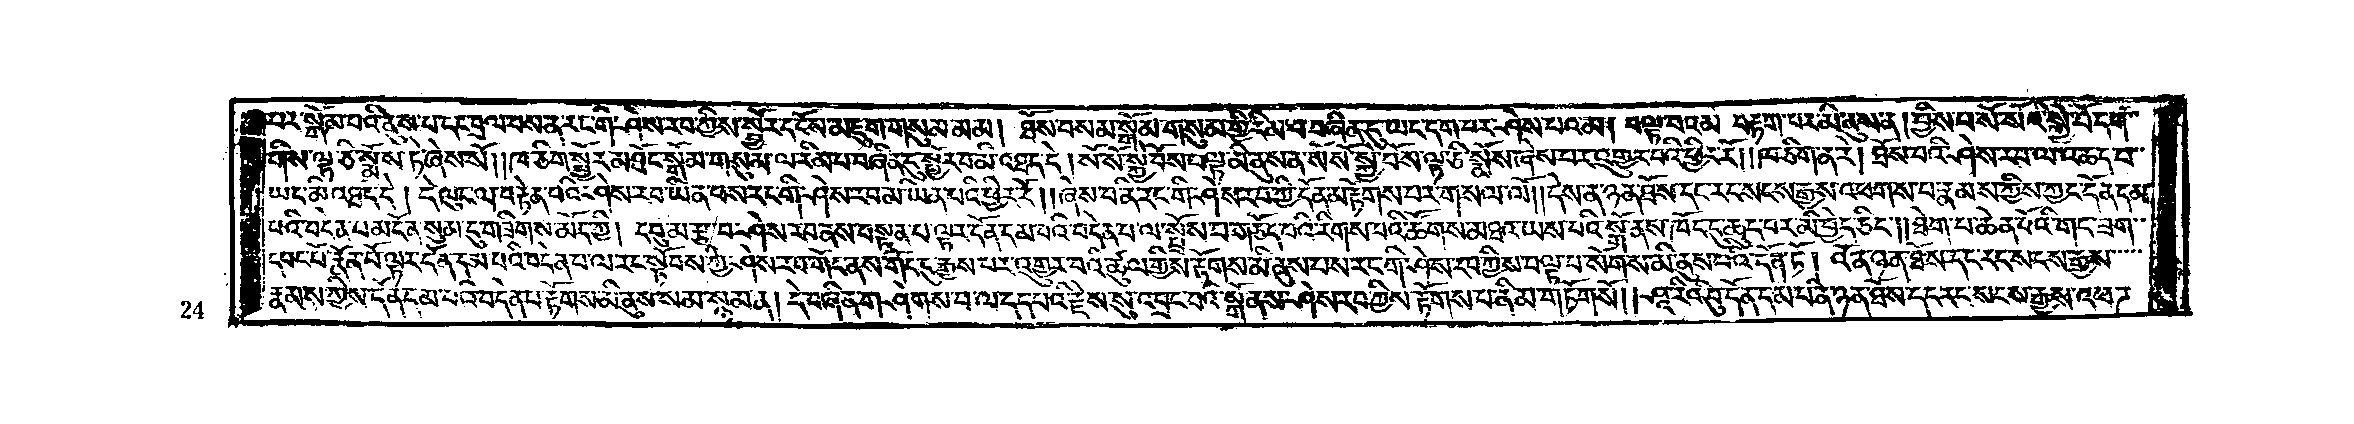པར་སྒོམ་པའི་ནུས་པ་དང་བྲལ་བས་ན་རང་གི་ཤེས་རབ་ཀྱིས་སྦྱོར་དངོས་མཇུག་གསུམ་མམ། ཐོས་བསམ་སྒོམ་གསུམ་གྱི་རིམ་པ་བཞིན་དུ་ཡང་དག་པར་ཤེས་པའམ། བལྟ་བའམ། བརྟག་པར་མི་ནུས་ན། བྱིས་པ་སོ་སོའི་སྐྱེ་བོ་དག་
གིས་ལྟ་ཅི་སྨོས་ཏེ་ཞེས་སོ། །ཁ་ཅིག་སྦྱོར་མཐོང་སྒོམ་གསུམ་ལ་རིམ་པ་བཞིན་དུ་སྦྱོར་བ་མི་འཐད་དེ། སོ་སོ་སྐྱེ་བོས་བལྟ་མི་ནུས་ན་སོ་སོ་སྐྱེ་བོས་ལྟ་ཅི་སྨོས་ཞེས་པར་འགྱུར་བའི་ཕྱིར་རོ། །ཁ་ཅིག་ན་རེ། ཐོས་པའི་ཤེས་རབ་ལ་འཆད་པ་
ཡང་མི་འཐད་དེ། དེ་ལུང་ལ་བརྟེན་པའི་ཤེས་རབ་ཡིན་པས་རང་གི་ཤེས་རབ་མ་ཡིན་པའི་ཕྱིར་རོ། །ཞེས་པ་ནི་རང་གི་ཤེས་རབ་ཀྱི་དོན་མ་རྟོགས་པར་གསལ་ལོ། །དེས་ན་ཉན་ཐོས་དང་རང་སངས་རྒྱས་འཕགས་པ་རྣམས་ཀྱིས་ཀྱང་དོན་དམ་
པའི་བདེན་པ་མངོན་སུམ་དུ་གཟིགས་མོད་ཀྱི། དབུ་མ་རྩ་བ་ཤེས་རབ་ནས་བསྟན་པ་ལྟར་དོན་དམ་པའི་བདེན་པ་ལ་སྤྲོས་པ་གཅོད་པའི་རིགས་པའི་ཚོགས་མཐའ་ཡས་པའི་སྒོ་ནས་ཁོང་དུ་ཆུད་པར་མི་བྱེད་ཅིང་། །ཐེག་པ་ཆེན་པོའི་གང་ཟག་
དབང་པོ་རྣོན་པོ་ལྟར་དོན་དམ་པའི་བདེན་པ་ལ་རང་སྟོབས་ཀྱི་ཤེས་རབ་གོང་ནས་གོང་དུ་རྒྱས་པར་འགྱུར་བའི་ཚུལ་གྱིས་རྟོགས་མི་ནུས་པས་རང་གི་ཤེས་རབ་ཀྱིས་བལྟ་བ་སོགས་མི་ནུས་པའི་དོན་ཏོ། འོ་ན་ཉན་ཐོས་དང་རང་སངས་རྒྱས་
རྣམས་ཀྱིས་དོན་དམ་པའི་བདེན་པ་རྟོགས་མི་ནུས་སམ་སྙམ་ན། དེ་བཞིན་གཤེགས་པ་ལ་དད་པའི་རྗེས་སུ་འབྲང་བའི་སྒོ་ནས་ཤེས་རབ་ཀྱིས་རྟོགས་པ་ནི་མ་གཏོགས་སོ། །ཤཱ་རིའི་བུ་དོན་དམ་པ་ནི་ཉན་ཐོས་དང་རང་སངས་རྒྱས་འཕགས་